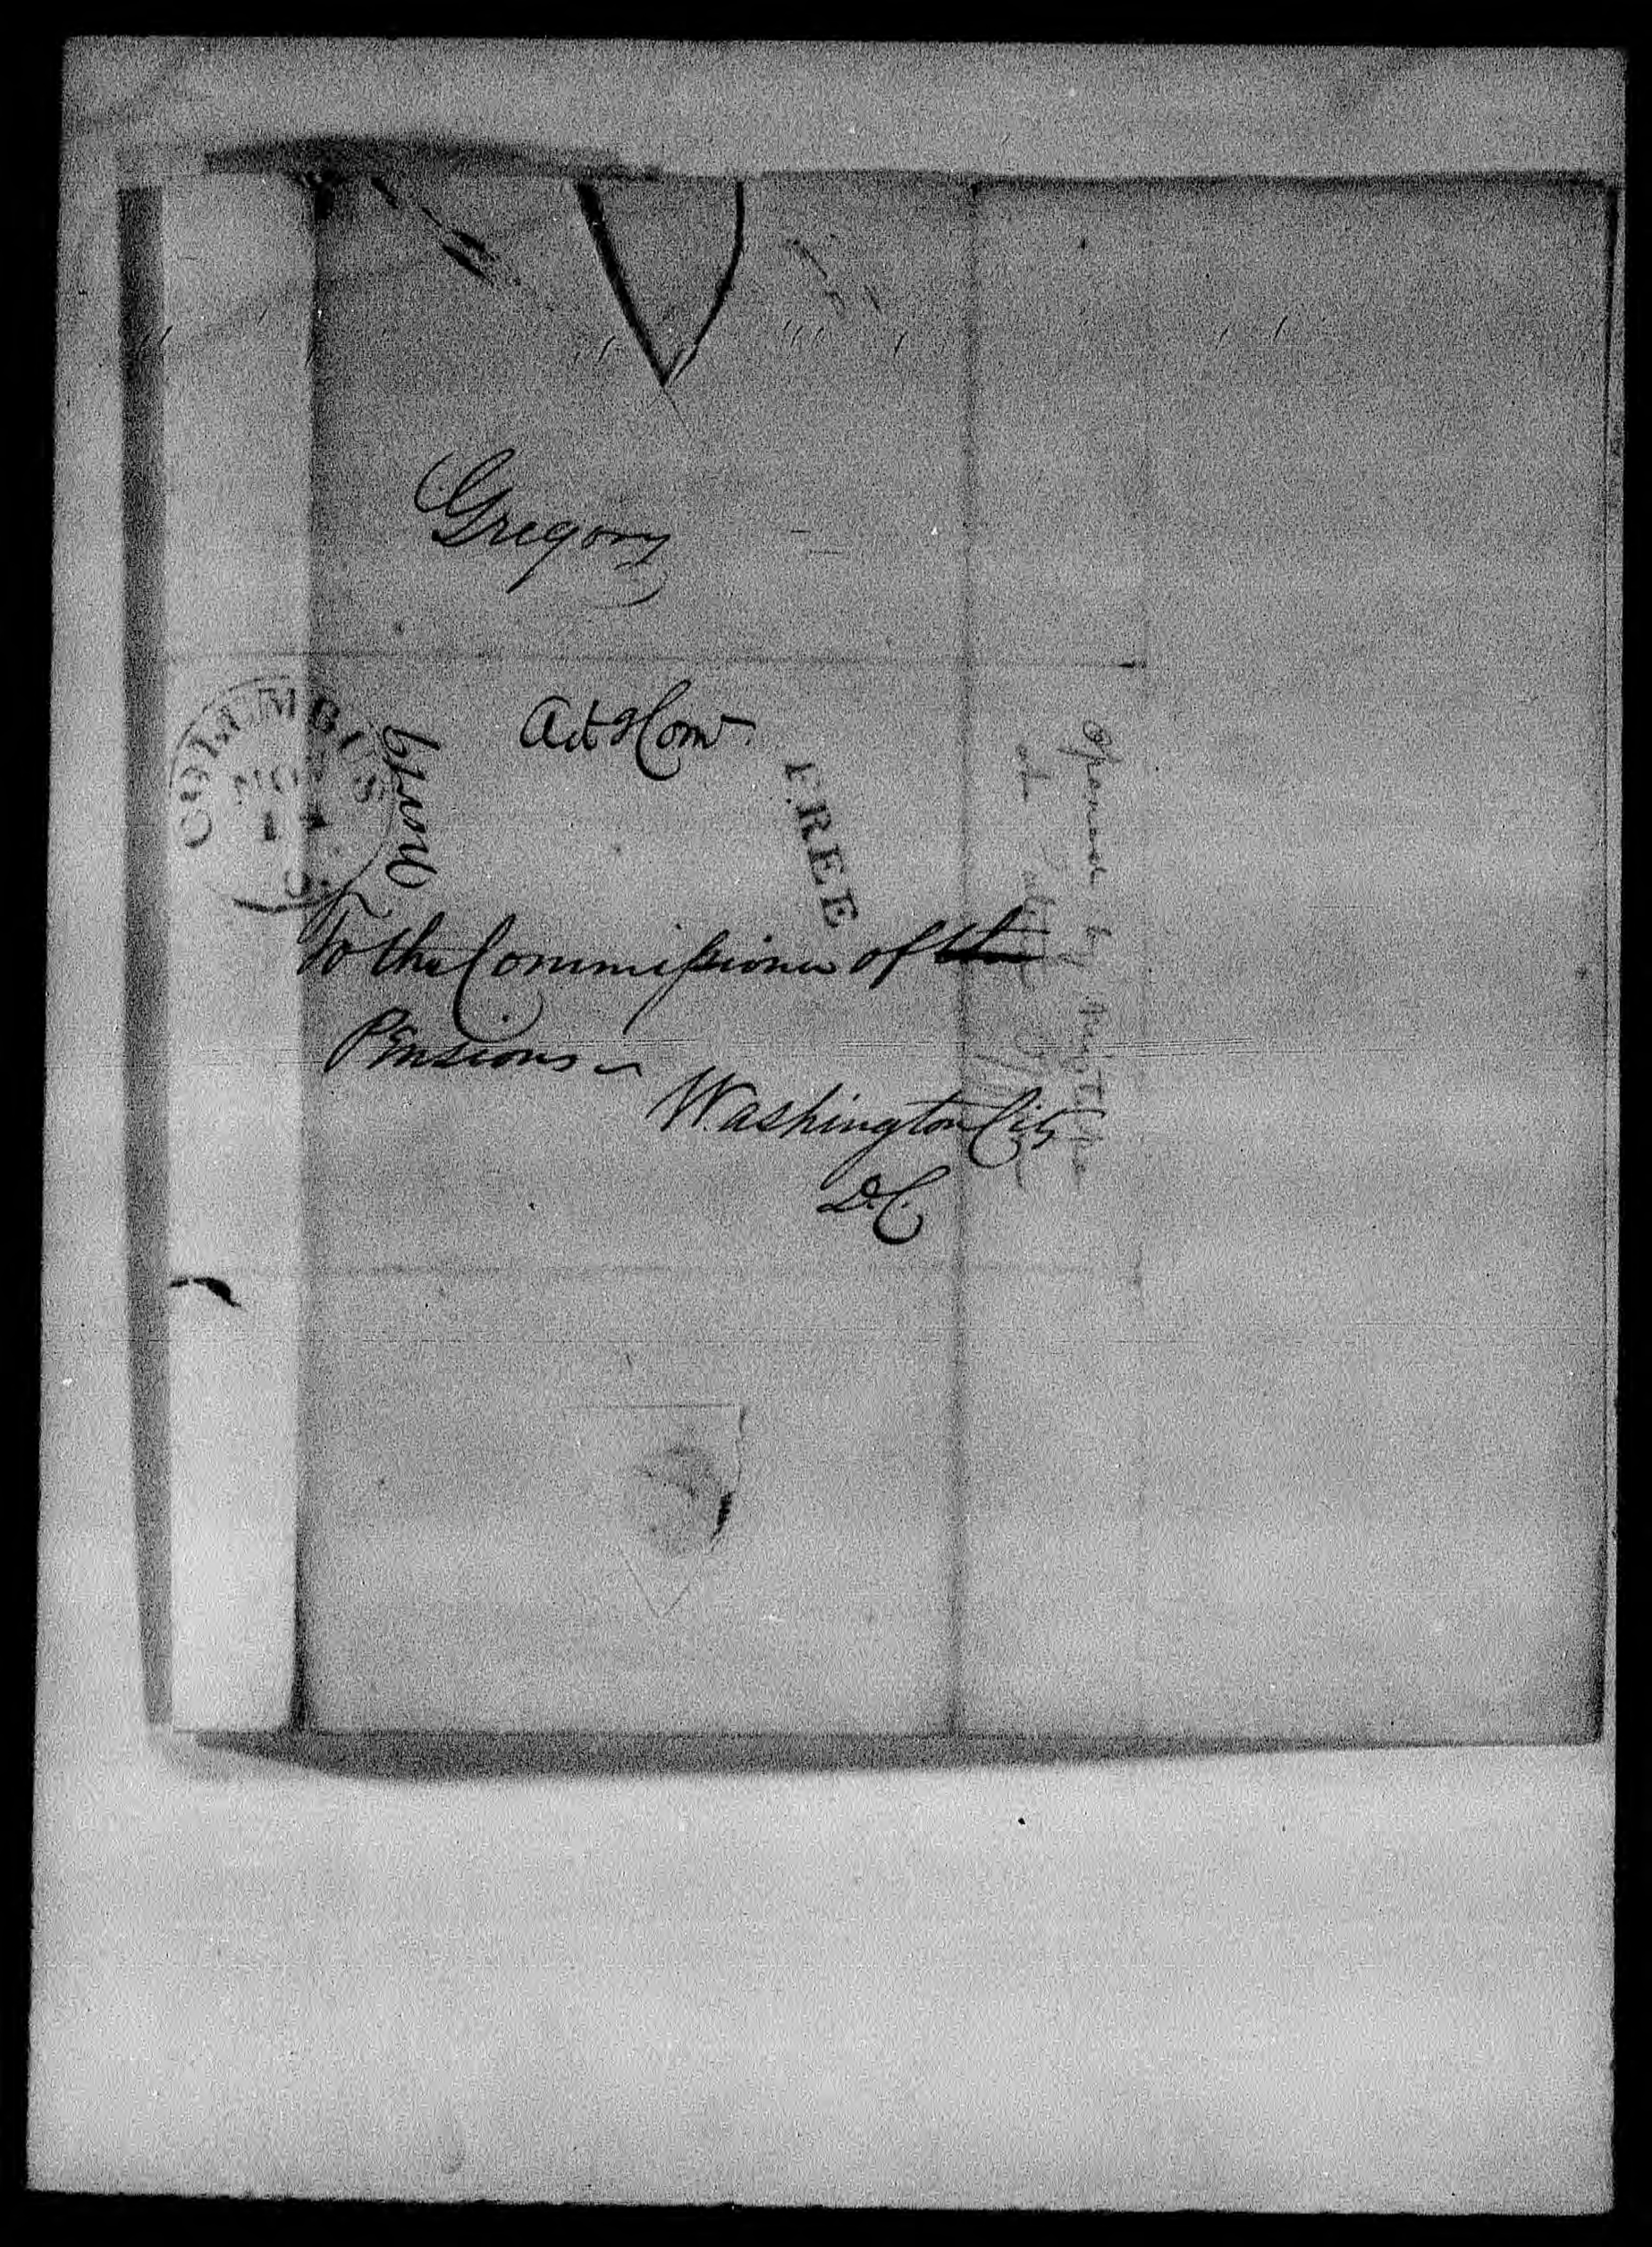Gregory,
Act of Con
Nov 19

To the Commissioner of Pensions in
Washington City
D.C.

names: Gregory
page: 23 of 27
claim: survivor's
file: S. 17445, James Gregory, Conn.